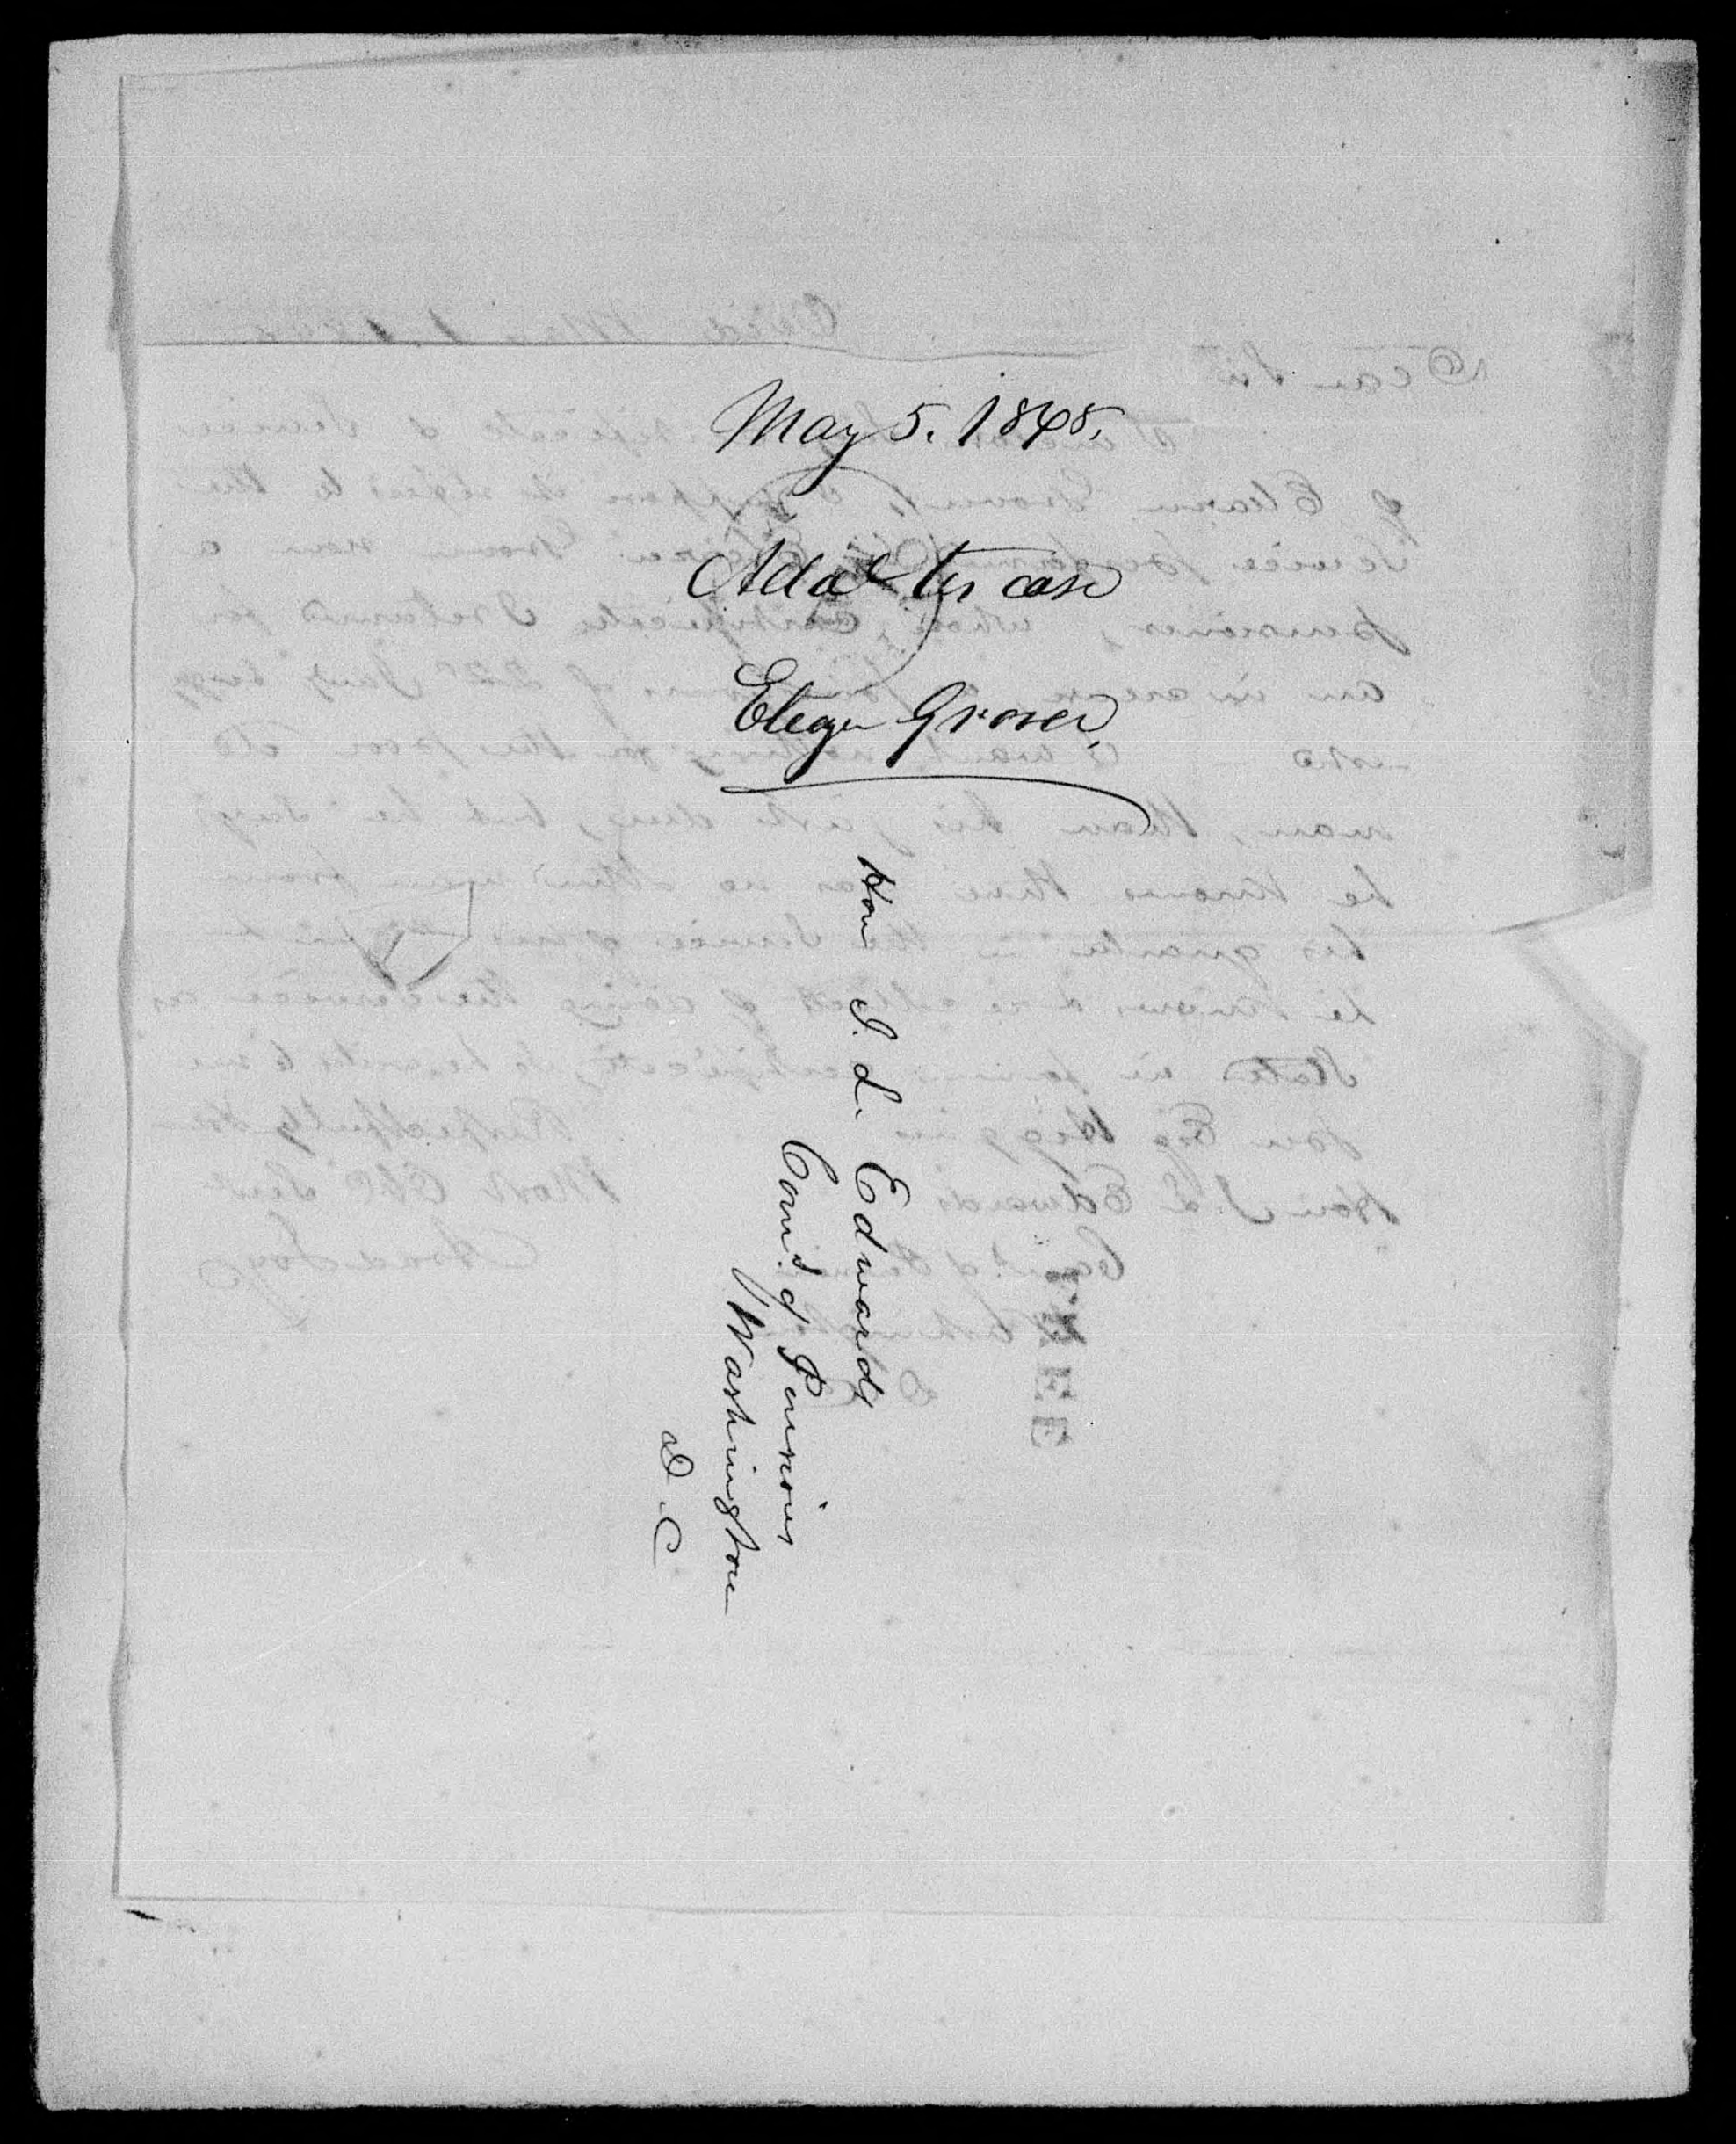[addressed envelope]
[margin notes: May 5, 1848, Add'l tes case Eleazer Grover]
[postmark: OVID N.Y. MAY 8]
FREE
Hon. J. L. Edwards
Com'r of Pensions
Washington D. C.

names: Eleazer Grover, J L Edwards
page: 18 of 43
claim: survivor's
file: S. 28748, Eleazer Grover, Continental Mass. Vt.